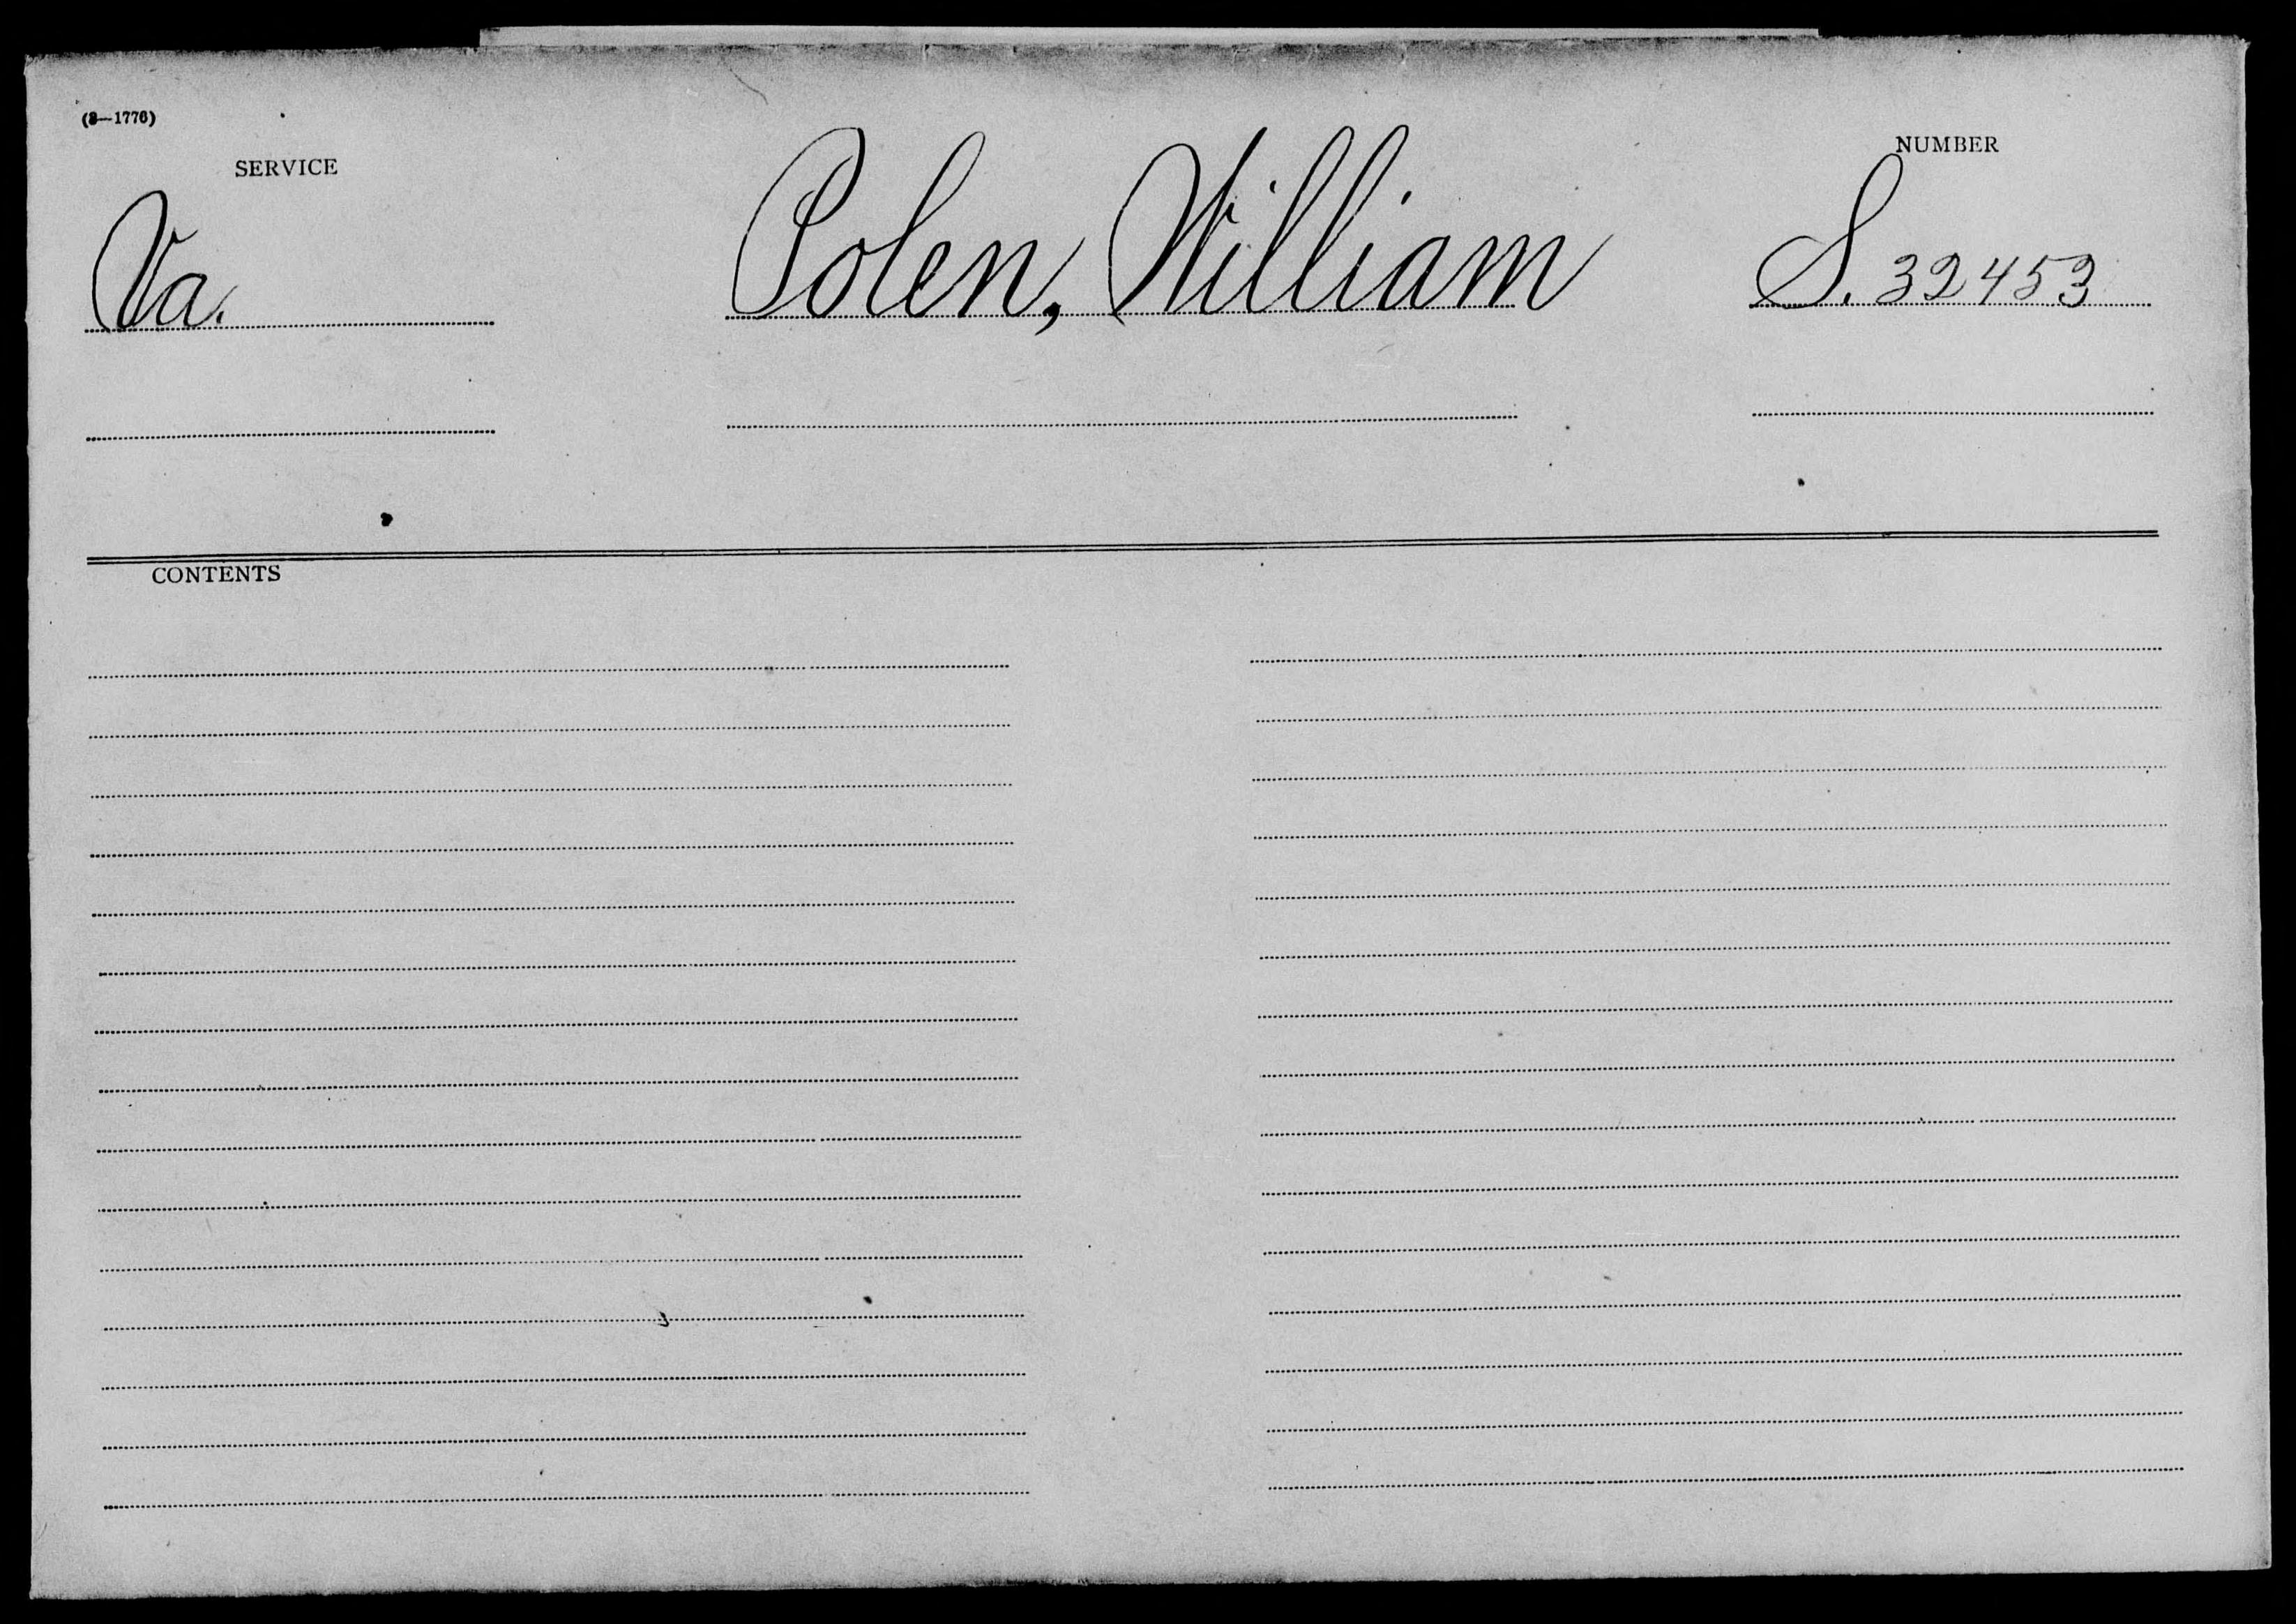SERVICE NUMBER
Va. Polen, William S. 32453
CONTENTS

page: 1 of 21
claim: survivor's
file: S. 32453, for William Polen, Virginia